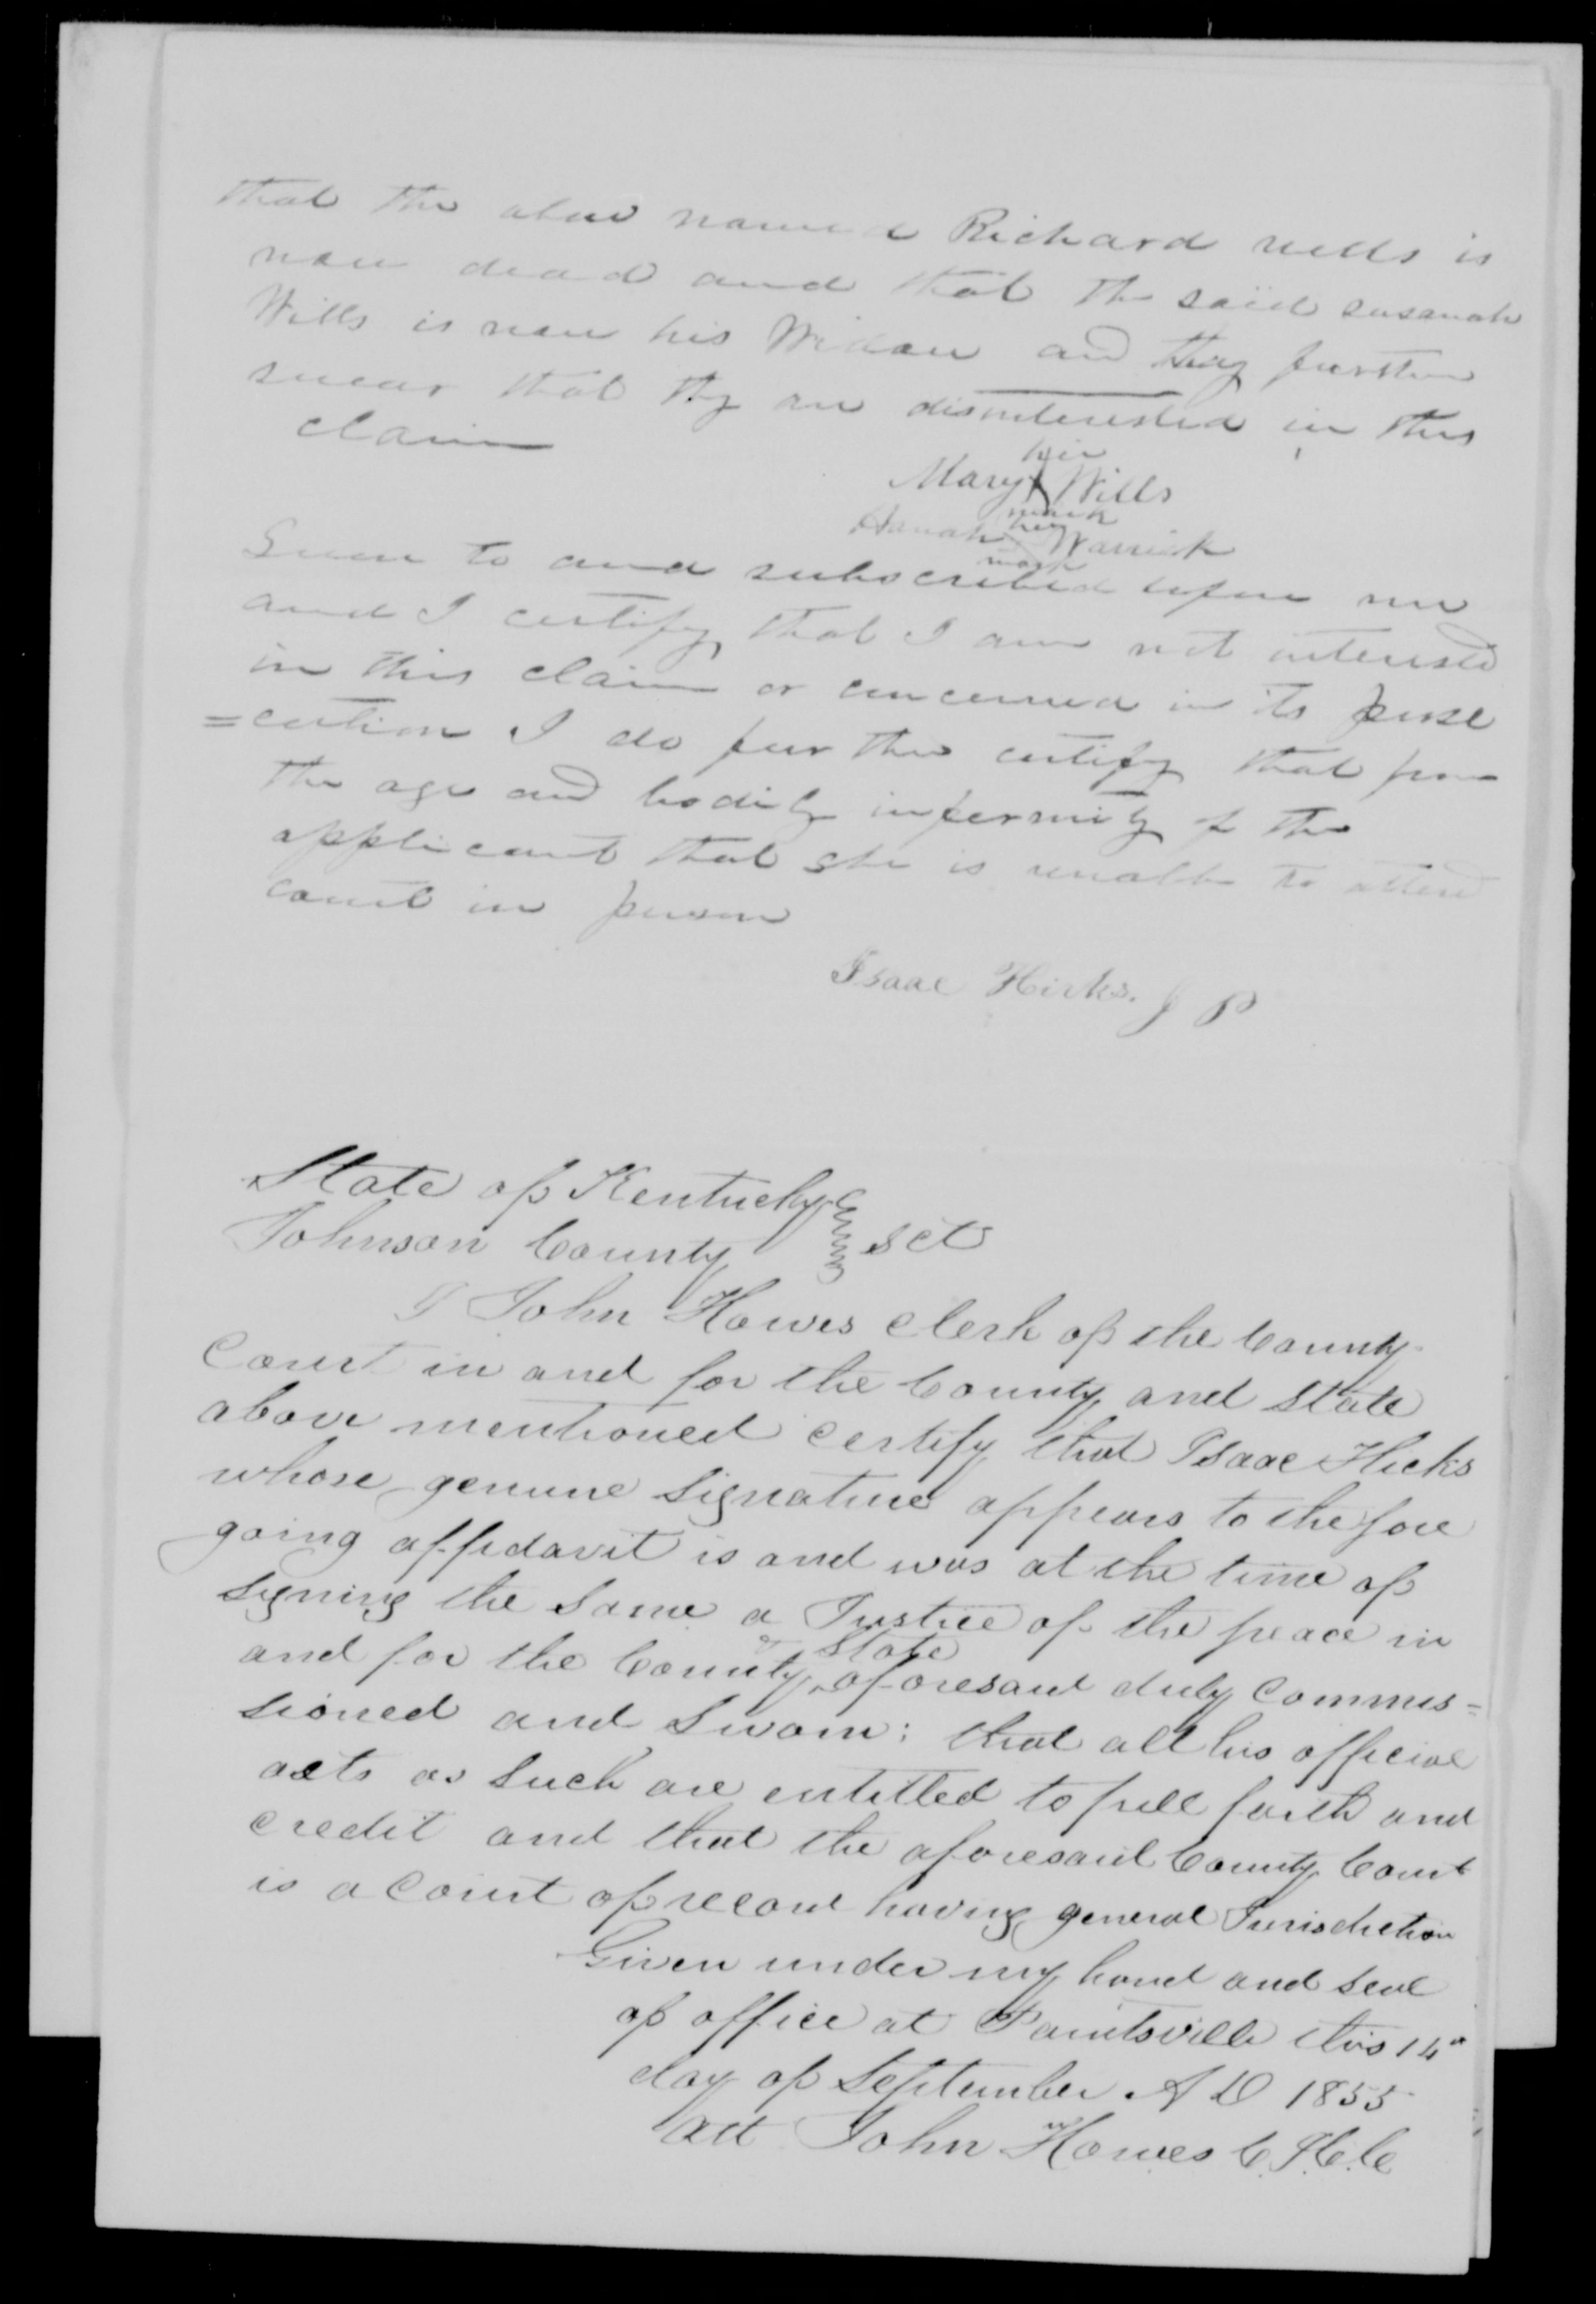that the above name Richard Wells is now dead and that the said Susanah  Wells is now his widow and they further swear that they are disinterested in this claim. ( her mark X ) Mary Wells  ( her mark X ) Hanah Warrick  Sworn to and subscribed before me and I certify that I am not interested in this claim or concerned in its prosecution  - I do further certify that from age and bodily infirmity of the applicant that she is unable to attend Court in person.  Isaac Hicks ( signed ) J P  [ State of Kentucky  Johnson County ] Set. I John Howes Clerk of the County Court in and for the County and State above mentioned certify that Isaac Hicks whose genuine signature appears to the foregoing affidavit is and was at the time of signing the same a Justice of the peace in and for the County & State aforesaid duly commissioned and sworn ; that all his official acts as such are entitled to full faith and credit and that the aforesaid County Court is a Court of Record having general jurisdiction. Given under my hand and seal of office at Paintsville this 14th day of September A. D. 1855.  Att John Howes ( signed ) C. J. C. C.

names: Susanah Wills, Richard Wells, Isaac Hicks, Mary Wills, John Howes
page: 14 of 100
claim: widow's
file: W. 6437, Richard Wells, Ga Va.